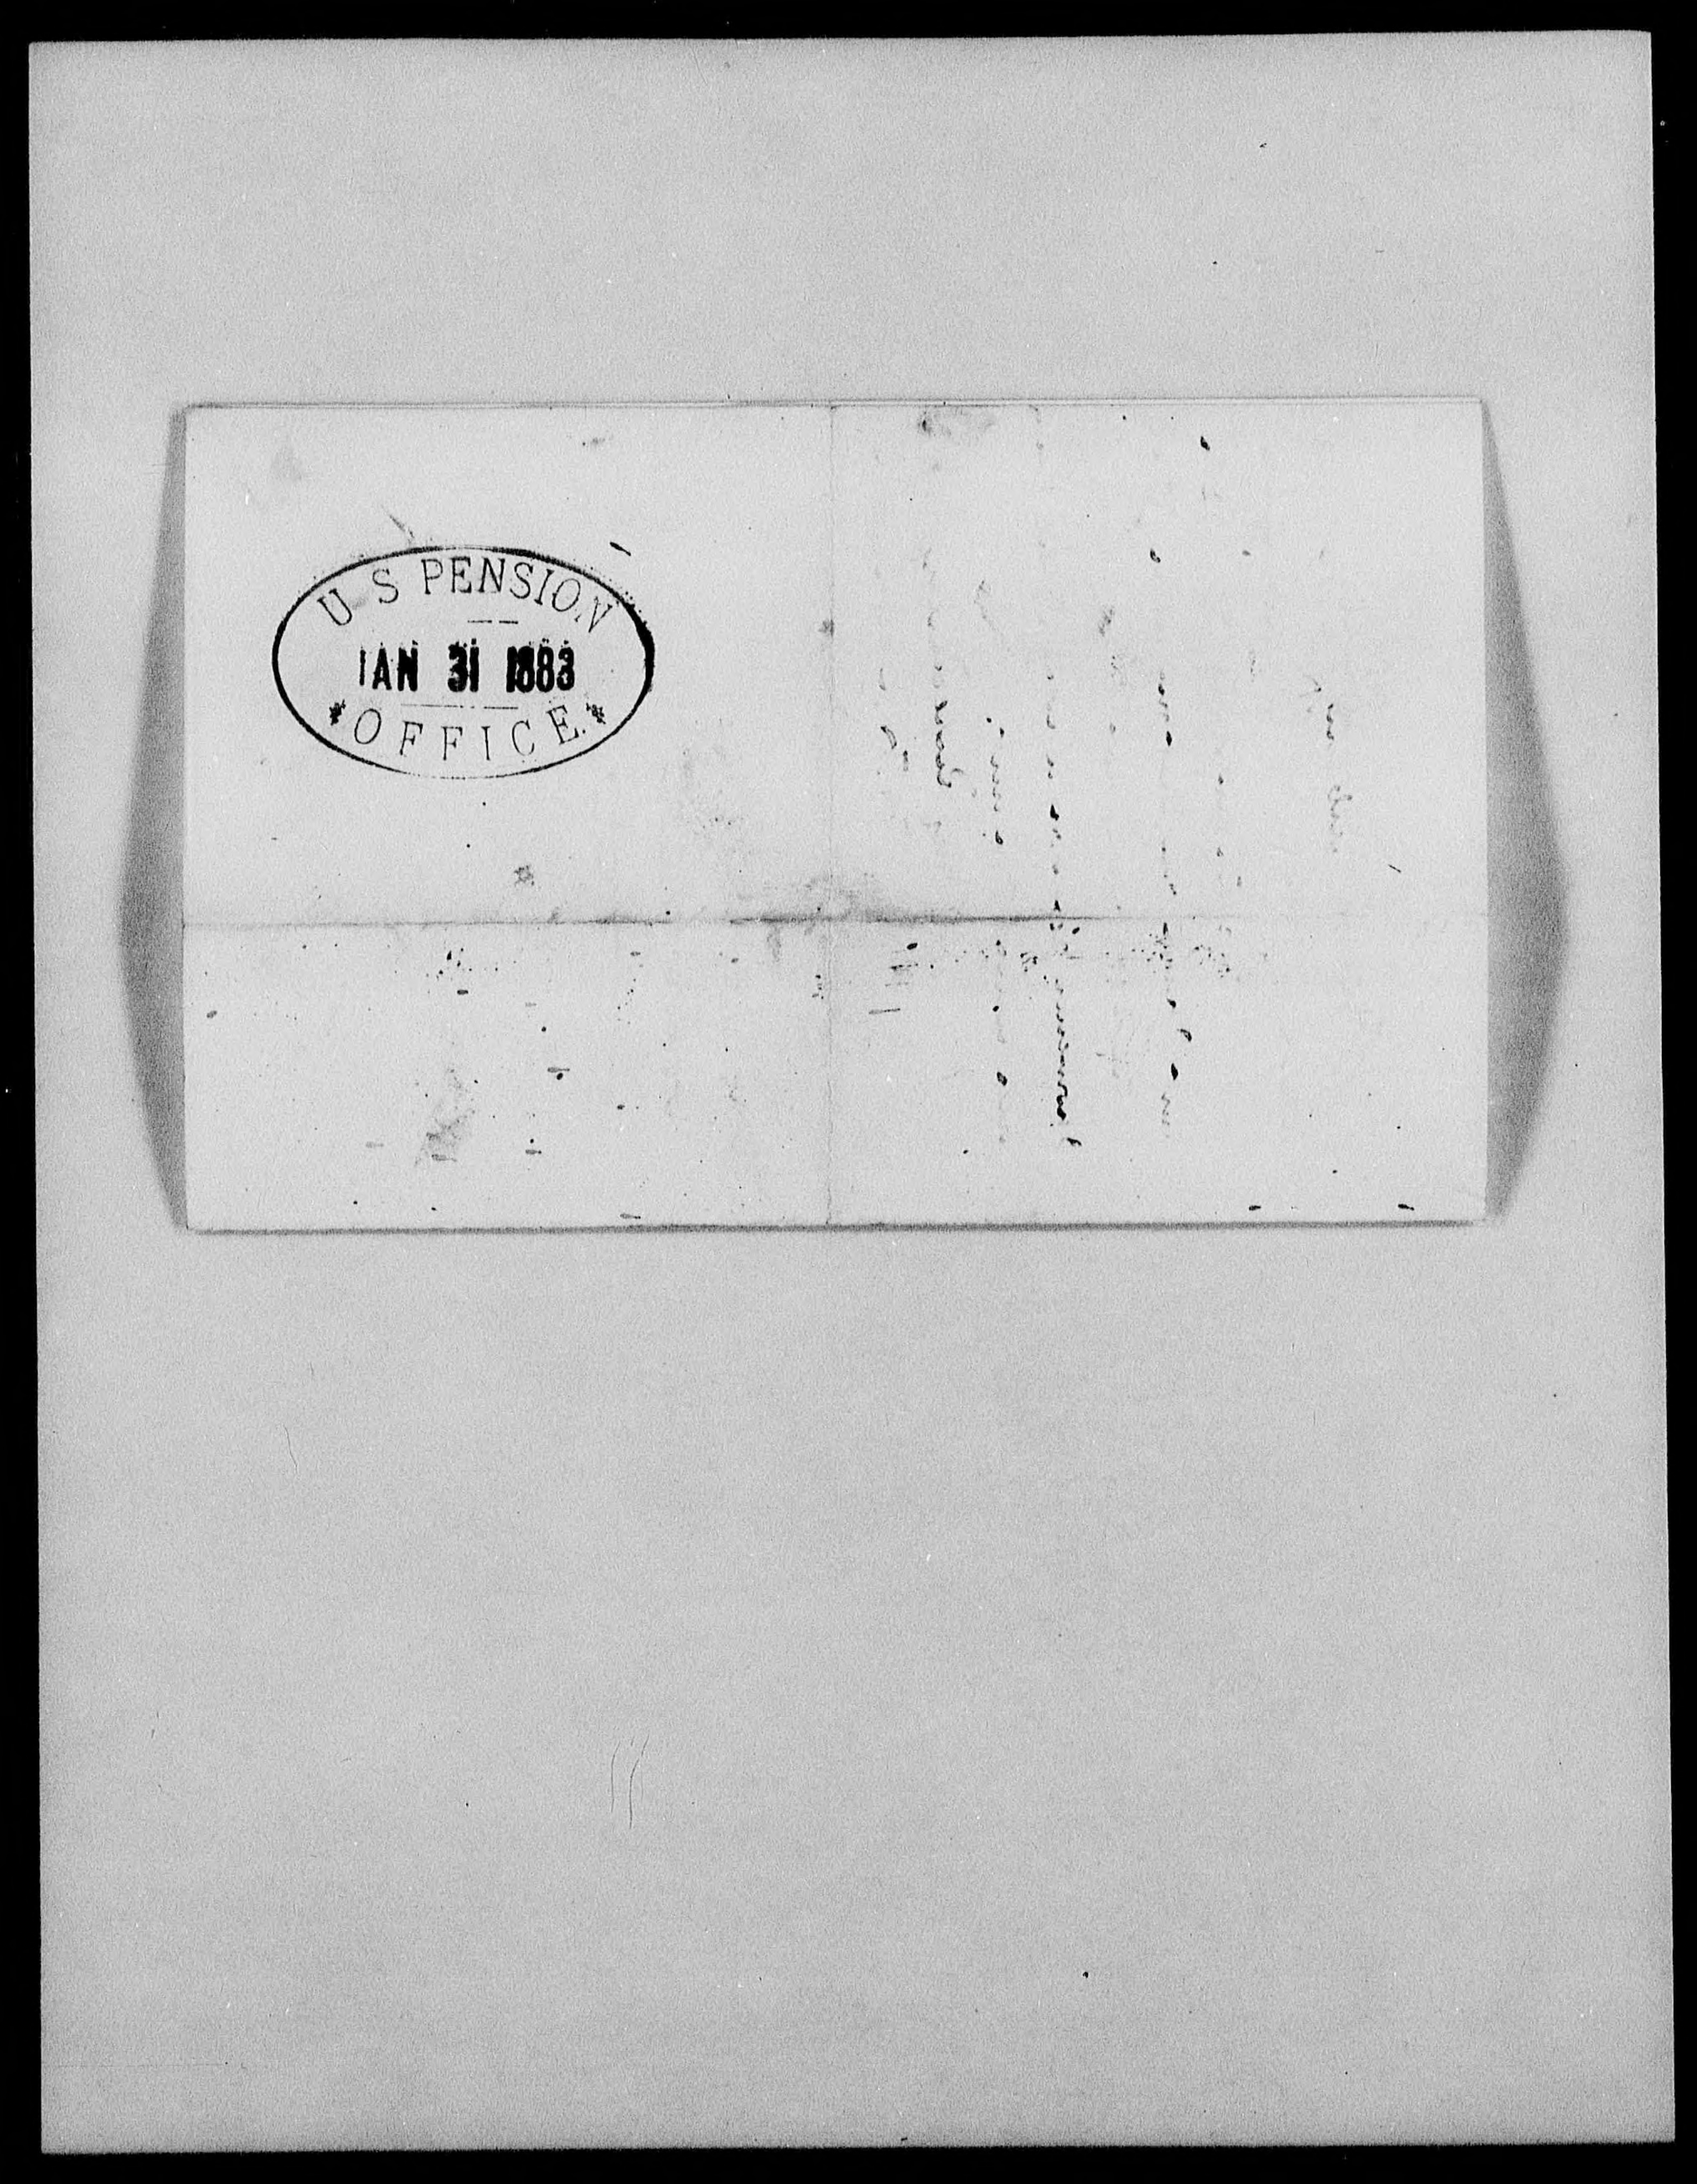US PENSION OFFICE 
JAN 31 1883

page: 59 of 62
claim: widow's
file: W. 765, for Richard L Jones, Connecticut